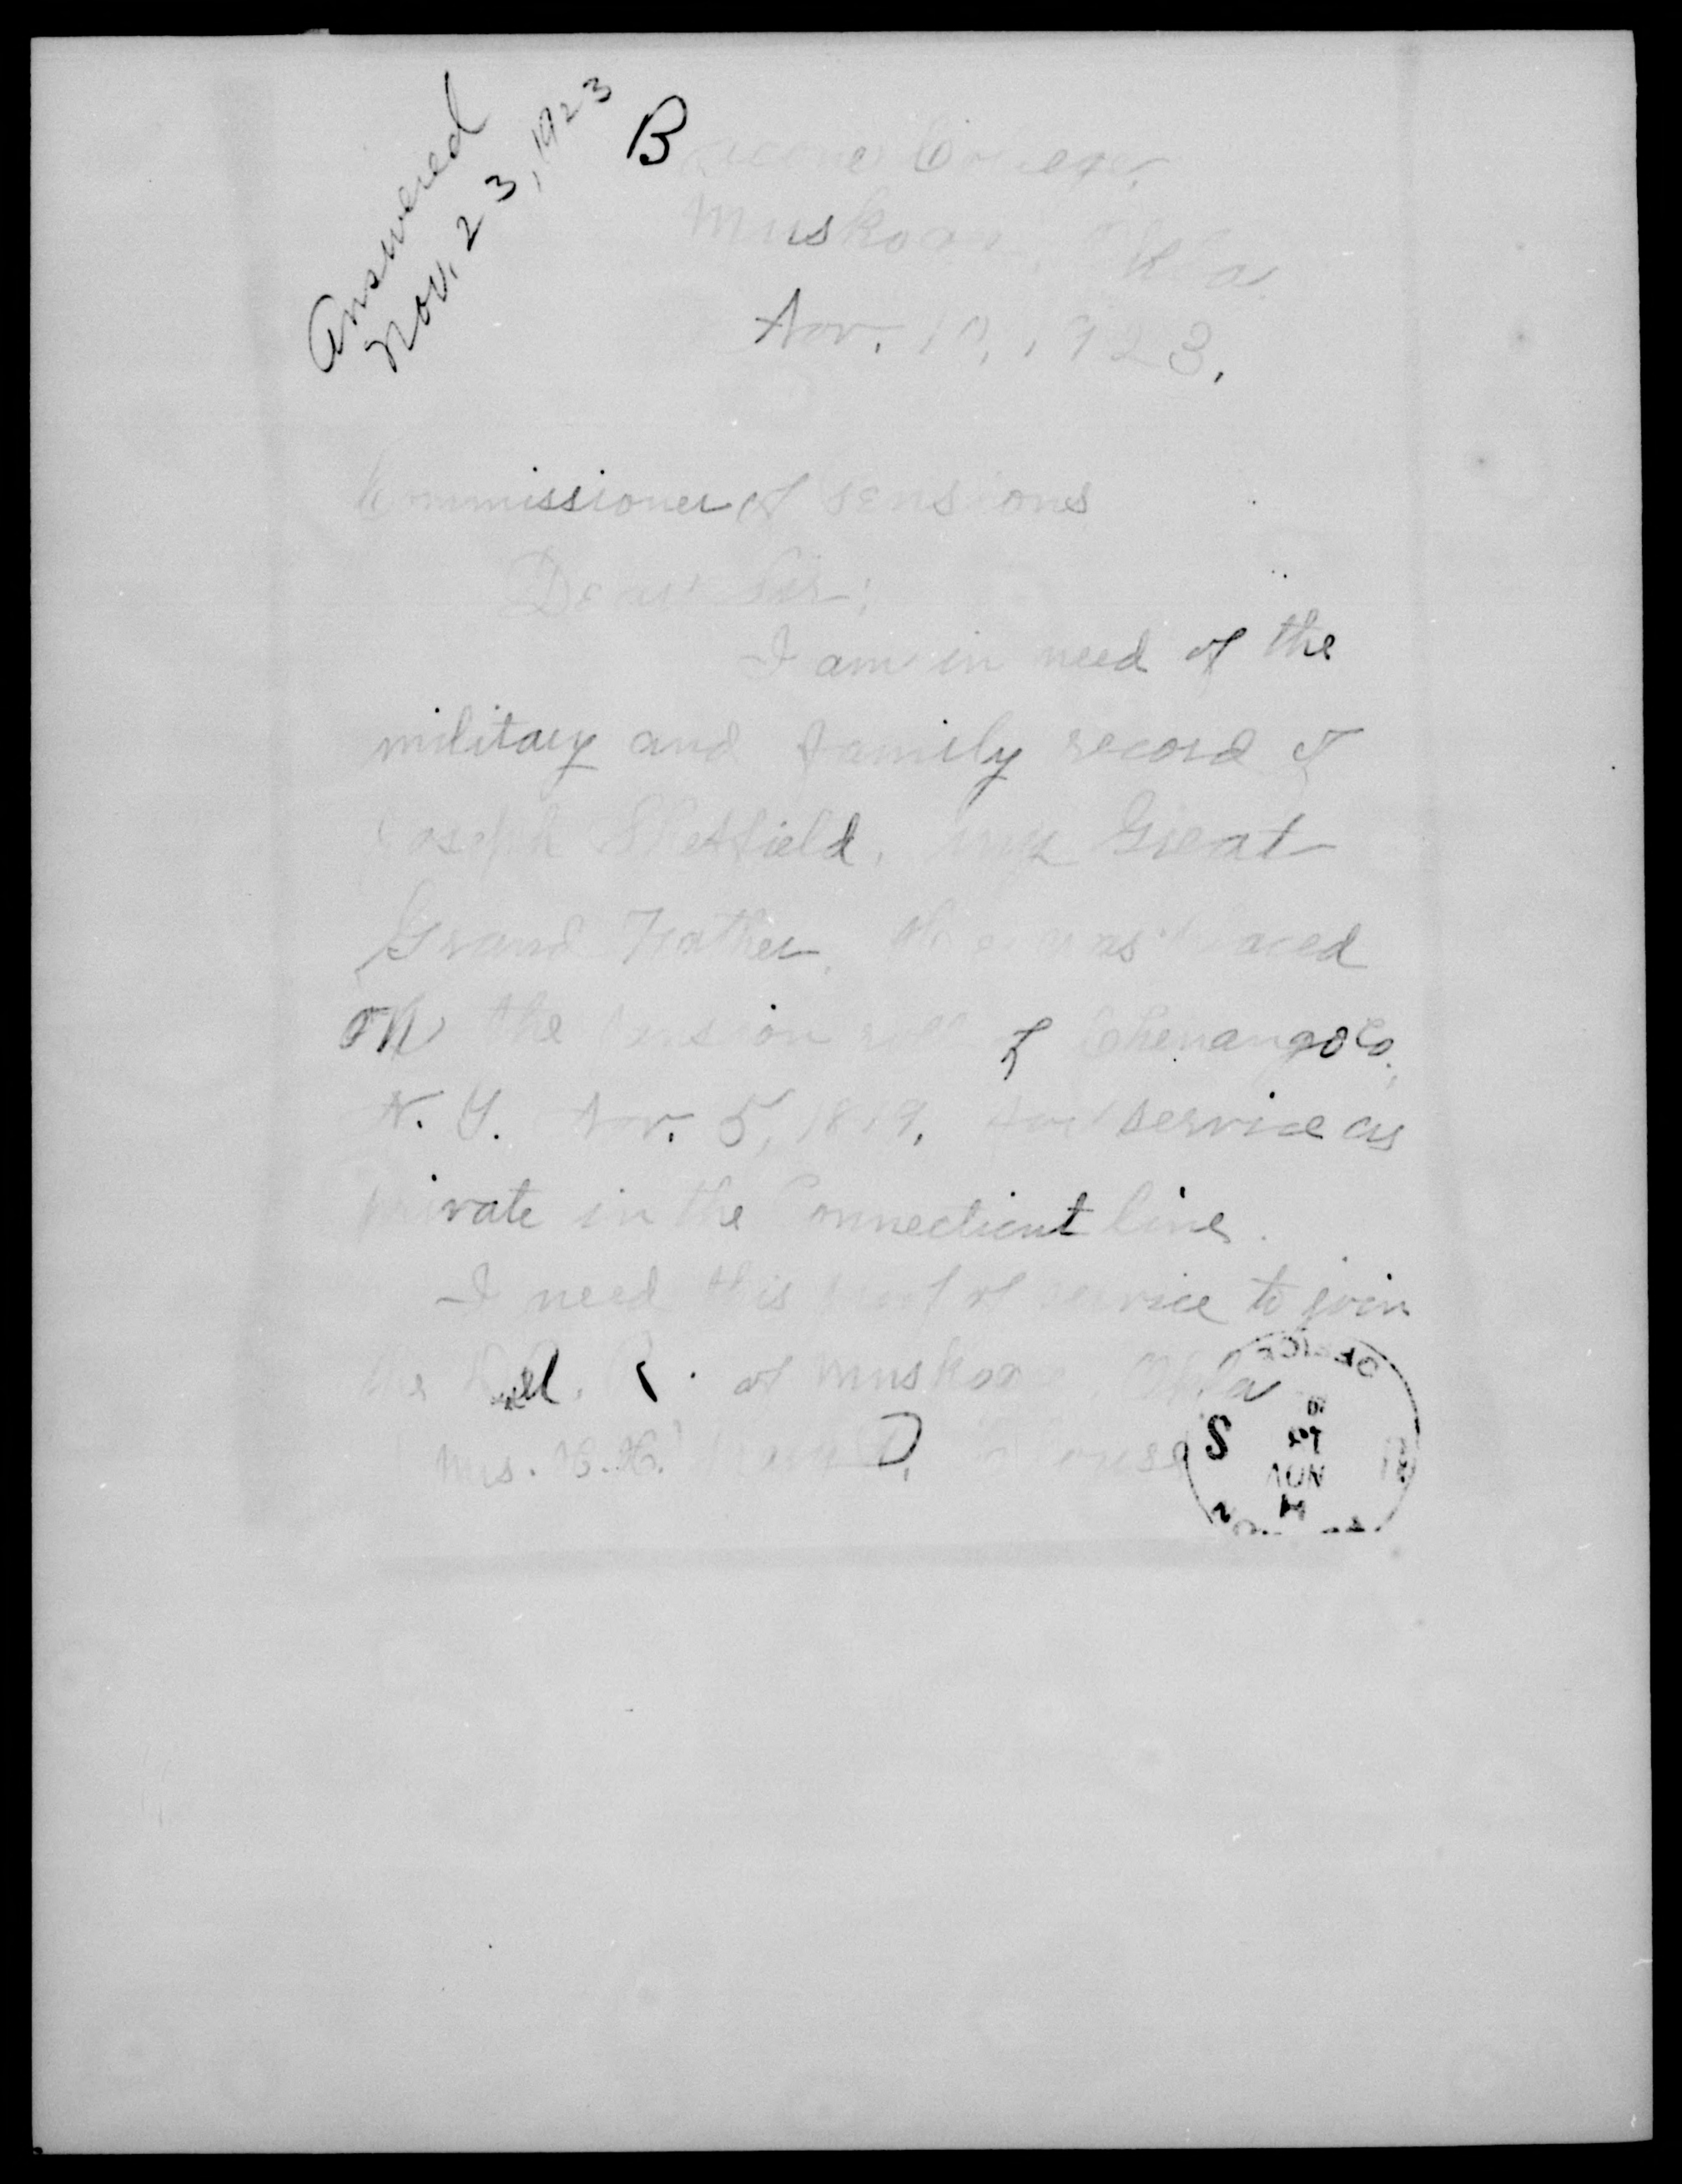Answered Nov 23, 1923

Bacome College
Muskogee, Okla
Nov. 10 1923,
Commissioner of Pensions
Dear Sir 
I am in need of the military and family record of
Joseph Sheffield, Great Grand Father. He was placed
on the pension roll of Chenago Co. N.Y.
Nov. 5, 1819, said service as
private in the Connecticut line
I need this proof of service to join
the DAR of Muskogee, Okla
Mrs. H.H. Mary D. Clouse

[stamp]
US PENSION OFFICE
M NOV 18 1923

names: Mary D Clouse; Joseph Sheffield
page: 16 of 25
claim: survivor's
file: S. 42,272, for Joseph Sheffield, Connecticut